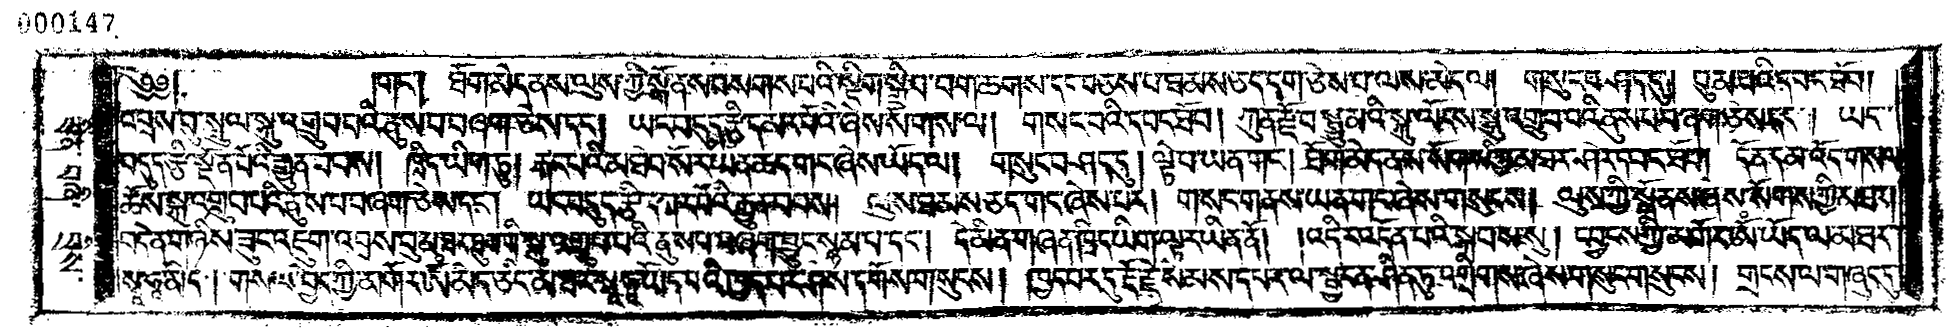༄༅། །གང་། ཐོག་མེད་ནས་ལུས་ཀྱི་སྒོ་ནས་བསགས་པའི་སྡིག་སྒྲིབ་བག་ཆགས་དང་བཅས་པ་ཐམས་ཅད་དག་ཅེས་པ་ལས་མེད་ལ། གསུང་བཤད་དུ། བུམ་པའི་དབང་ཐོབ།
འབྲས་བུ་སྤྲུལ་སྐུ་འགྲུབ་པའི་ནུས་པ་བཞག་ཅེས་དང་། ཡང་བདུད་རྩི་དམར་པོའི་ཞེས་སོགས་ལ། གསང་བའི་དབང་ཐོབ། ཀུན་རྫོབ་སྒྱུ་མའི་སྐུ་ལོངས་སྐུ་འགྲུབ་པའི་ནུས་པ་བཞག་ཅེས་དང་། ཡང་
བདུད་རྩི་སྔོན་པོའི་རྒྱུན་བབས། ཁྲིད་ཡིག་ཏུ། རྐང་པའི་མཐེབ་སོར་ཡན་ཆད་གང་ཞེས་ཡོད་ལ། གསུང་བཤད་དུ། ལྟེ་བ་ཡན་གང་། ཐོག་མེད་ནས་སོགས་ཀྱི་མཐར་ཤེར་དབང་ཐོབ། དོན་དམ་འོད་གསལ་
ཆོས་སྐུ་འགྲུབ་པའི་ནུས་པ་བཞག་ཅེས་དང་། ཡང་བདུད་རྩི་དཀར་པོའི་རྒྱུན་བབས། ལུས་ཐམས་ཅད་གང་ཞེས་པར། གསང་གནས་ཡན་གང་ཞེས་གསུངས། ལུས་ཀྱི་སྒོ་ནས་ཞེས་སོགས་ཀྱི་མཐར།
བདེན་གཉིས་ཟུང་འཇུག་འབྲས་བུ་མཐར་ཐུག་གི་སྐུ་འགྲུབ་པའི་ནུས་པ་བཞག་བྱུང་སྙམ་པ་དང་། དེ་མིན་གཞན་ཁྲིད་ཡིག་ལྟར་ཡིན་ནོ། །འདིར་འདོན་པའི་སྐབས་སུ། དབྱངས་ཀྱི་མགོར་ཨོཾ་ཡོད་ལ་མཐར་
སྭཱ་ཧཱ་མེད། གསལ་བྱེད་ཀྱི་མགོར་ཨོཾ་མེད་ཅིང་མཐར་སྭཱཧཱ་ཡོད་པའི་ཁྱད་པར་ཤེས་དགོས་གསུངས། ཁྱད་པར་དུ་རྡོ་རྗེ་སེམས་དཔར་ལ་སྦྱར་ན་ཤིན་ཏུ་འགྲིགས་ཞེས་གསུང་གསུངས། གྲངས་ལ་གཞུང་དུ་